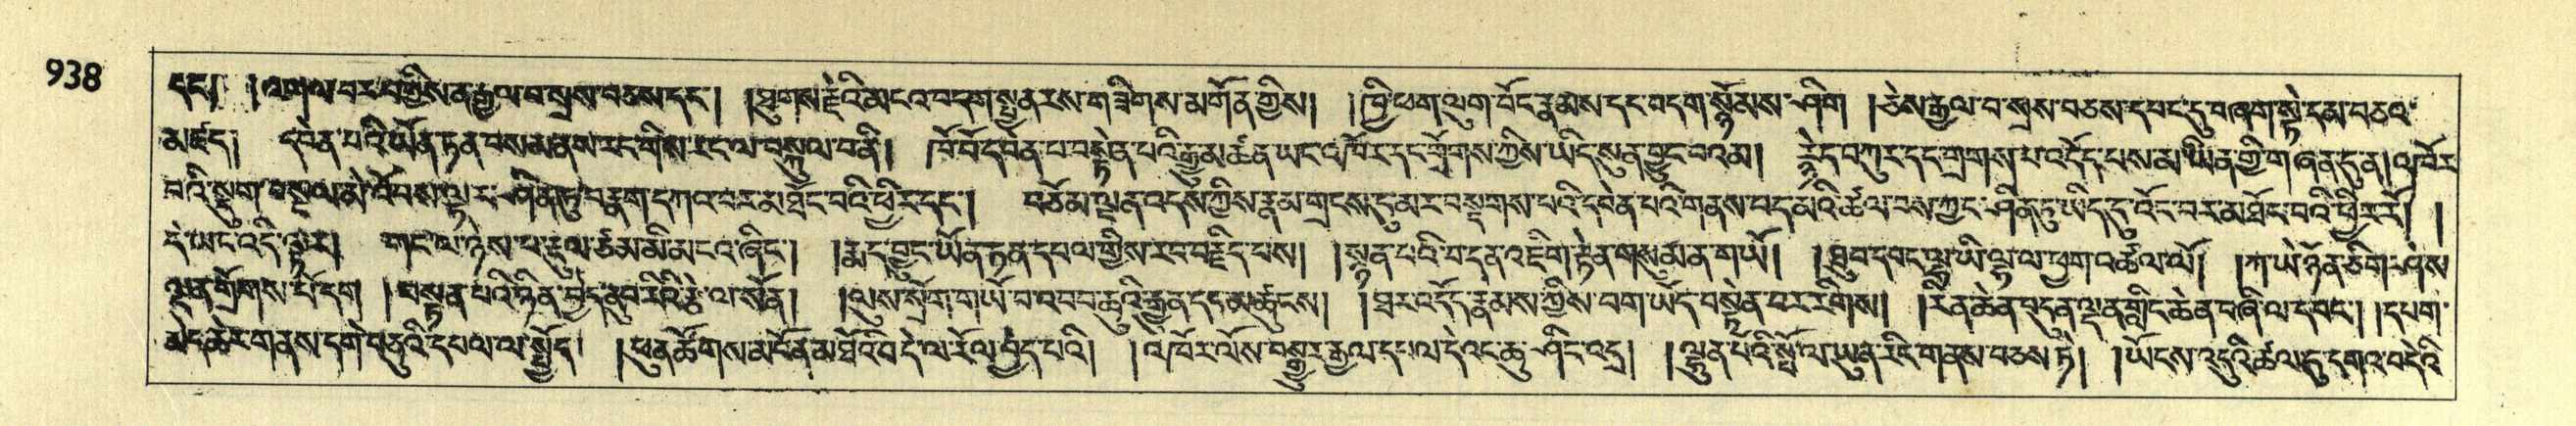དང་། །འགལ་བར་བགྱིས་ན་རྒྱལ་བ་སྲས་བཅས་དང་། །ཐུགས་རྗེའི་མངའ་བདག་སྤྱན་རས་གཟིགས་མགོན་གྱིས། །ཁྱི་ཕག་ལུག་བོད་རྣམས་དང་བདག་སྙོམས་ཤིག །ཅེས་རྒྱལ་བ་སྲས་བཅས་དབང་དུ་བཞག་སྟེ་དམ་བཅའ་
མཛད། དབེན་པའི་ཡོན་ཏན་བསམ་ནས་རང་གིས་རང་ལ་བསྐུལ་བ་ནི། ཁོ་བོ་དབེན་པ་བསྟེན་པའི་རྒྱུ་མཚན་ཡང་འཁོར་དང་གྲོགས་ཀྱིས་ཡིད་སུན་བྱུང་བའམ། རྙེད་བཀུར་དང་གྲགས་པ་འདོད་པས་མ་ཡིན་གྱི་གཞན་དུ་ན། འཁོར་
བའི་སྡུག་བསྔལ་མེ་འོབས་ལྟར་ཤིན་ཏུ་བྲང་དཀའ་བར་མཐོང་བའི་ཕྱིར་དང་། བཅོམ་ལྡན་འདས་ཀྱིས་རྣམ་གྲངས་དུ་མར་བསྔགས་པའི་དབེན་པའི་གནས་པད་མའི་ཚལ་བས་ཀྱང་ཤིན་ཏུ་ཡིད་དུ་འོང་བར་མཐོང་བའི་ཕྱིར་རོ། །
དེ་ཡང་འདི་ལྟར། གང་ལ་ཉེས་པ་རྡུལ་ཙམ་མི་མངའ་ཞིང་། །རྨད་བྱུང་ཡོན་ཏན་དཔལ་གྱིས་རབ་བརྗིད་པས། །སྙན་པའི་བ་དན་འཇིག་རྟེན་གསུམ་ན་གཡོ། །ཐུབ་དབང་ལྷ་ཡི་ལྷ་ལ་ཕྱག་འཚལ་ལོ། །ཀ་ཡེ་ཉོན་ཅིག་ཤེས་
ལྡན་གྲོགས་པོ་དག །བསྟན་པའི་ཉིན་བྱེད་ནུབ་རིའི་རྩེ་ལ་སོན། །ལུས་སྲོག་གཡོ་བ་འབབ་ཆུའི་རྒྱུན་དད་མཚུངས། །ཐར་འདོད་རྣམས་ཀྱིས་བག་ཡོད་བསྟེན་བར་རིགས། །རིན་ཆེན་བདུན་ལྡན་གླིང་ཆེན་བཞི་ལ་དབང་། །དཔག་
མེད་ཆེར་གནས་དགེ་བཅུའི་དཔལ་ལ་སྤྱོད། །ཕུན་ཚོགས་མངོན་མཐོའི་བདེ་ལ་རོལ་བྱེད་པའི། །འཁོར་ལོས་བསྒྱུར་རྒྱལ་དཔལ་དེའང་ཆུ་ཤིང་འདྲ། །ལྷུན་པོའི་སྤོ་ལ་ཡུན་རིང་གནས་བཅས་ཏེ། །ཡོངས་འདུའི་ཚལ་དུ་དགའ་བདེའི་